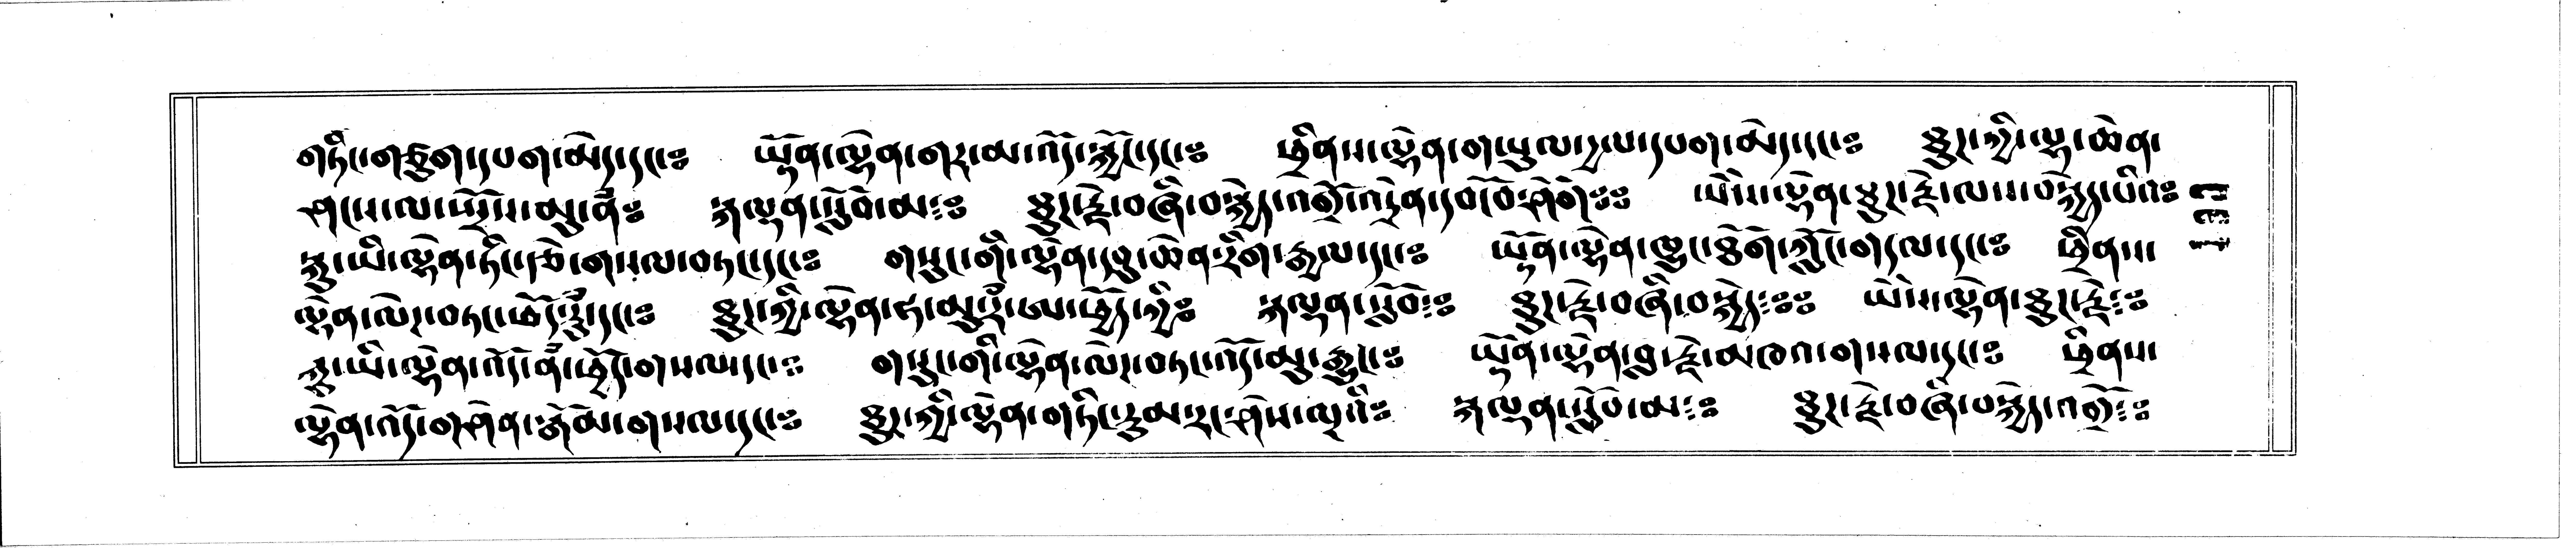གཏིང་གཙུག་དཔག་མེད་དངཿ ཡོན་ཏན་གྱི་ལྷ་ཆེན་གར་མ་འོད་སྐྱོང་དངཿ ཕྲིན་ལས་ཀྱི་ལྷ་ཆེན་གཡུ་རྒྱལ་དཔག་མེད་དངཿ ཐུགས་ཀྱི་ལྷ་ཆེན་
ཤངས་ལྷ་སྤྲོས་མུ་ནམཿ སྐལ་ལྡན་སློབ་མ་རྣམས་ལ་དབང་བསྐུར་བསཿ ཐུགས་རྗེ་བཞི་བསྐྱེད་འགྲོ་འདྲེན་དབང་ཐོབ་ཤོགཿ ཡེ་ཤེས་ལྷ་ཆེན་ཐུགས་རྗེ་ལས་བསྐྱེད་པའིཿ 
སྐུ་ཡི་ལྷ་ཆེན་ཏིང་རྩེ་གསལ་བཏང་དངཿ གསུང་གི་ལྷ་ཆེན་དབུ་ཆེན་རིགས་རྒྱལ་དངཿ ཡོན་ཏན་ལྷ་ཆེན་ཁྱུང་ཐོག་ཀློང་བདལ་དངཿ ཕྲིན་ལས་ཀྱི་
ལྷ་ཆེན་ལེགས་བཏང་ཕོད་རུམ་དངཿ ཐུགས་ཀྱི་ལྷ་ཆེན་ཧ་མུ་རམ་ཨ་ཕྱོད་ཀྱིསཿ སྐལ་ལྡན་སློབ་མ་རྣམས་ལ་དབང་བསྐུར་བསཿ ཐུགས་རྗེ་བཞི་བསྐྱེད་འགྲོ་འདྲེན་དབང་ཐོབ་ཤོགཿ ཡེ་ཤེས་ལྷ་ཆེན་ཐུགས་རྗེ་ལས་བསྐྱེད་པའིཿ 
སྐུ་ཡི་ལྷ་ཆེན་འོད་ནམ་ཕྱོད་གསལ་དངཿ གསུང་གི་ལྷ་ཆེན་ལེགས་བཏང་འོད་མུ་རྒྱང་དངཿ ཡོན་ཏན་གྱི་ལྷ་ཆེན་བླ་རྗེ་མཁའ་གསལ་དངཿ ཕྲིན་ལས་ཀྱི
་ལྷ་ཆེན་འོད་གཤེན་སྒོམ་གསལ་དངཿ ཐུགས་ཀྱི་ལྷ་ཆེན་གཏིང་རུམ་ཤེས་བཞིན་གྱིསཿ སྐལ་ལྡན་སློབ་མ་རྣམས་ལ་དབང་བསྐུར་བསཿ ཐུགས་རྗེ་བཞི་བསྐྱེད་འགྲོ་འདྲེན་དབང་ཐོབ་ཤོགཿ